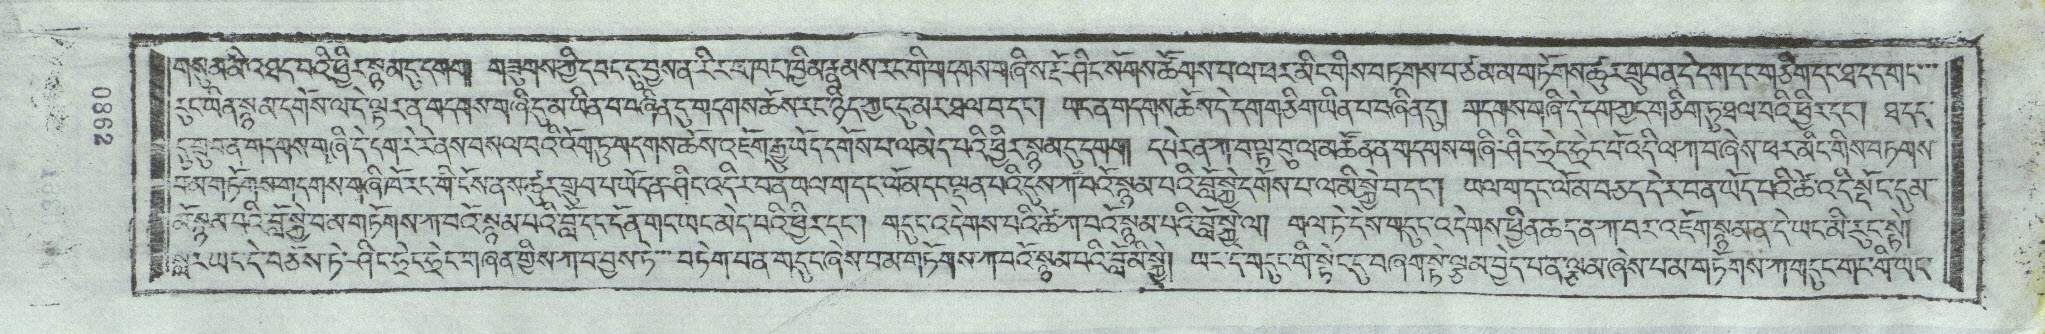གསུམ་མི་འཐད་པའི་ཕྱིར་སྙམ་དུ་དགག། གཟུགས་ཀྱི་དབང་དུ་བྱས་ན་རི་རབ་ཁང་ཁྱིམ་རྣམས་རང་གི་གདགས་གཞི་ས་རྔོ་ཤིང་སོགས་ཚོགས་པ་ལ་ཕར་མིང་གིས་བཏགས་པ་ཙམ་མ་གཏོགས་ཚུར་གྲུབ་ན་དེ་དག་དང་གཅིག་དང་ཐ་དད་གང་
རུང་ཡིན་སྙམ་དགོས་ལ་དེ་ལྟར་ན་གདགས་གཞི་དུ་མ་ཡིན་པ་བཞིན་དུ་གདགས་ཆོས་རང་ཉིད་ཀྱང་དུ་མར་ཐལ་བ་དང་། ཡང་ན་གདགས་ཆོས་དེ་དག་གཅིག་ཡིན་པ་བཞིན་དུ། གདགས་གཞི་དེ་དག་ཀྱང་གཅིག་ཏུ་ཐལ་བའི་ཕྱིར་དང་། ཐ་དད་
དུ་གྲུབ་ན་གདགས་གཞི་དེ་དག་རེ་རེ་ནས་བསལ་བའི་འོག་ཏུ་གདགས་ཆོས་འཇོག་རྒྱུ་ཡོད་དགོས་པ་ལ་མེད་པའི་ཕྱིར་སྙམ་དུ་དགག། དཔེར་ན་ཀ་བ་ལྟ་བུ་ལ་མཚོན་ན་གདགས་གཞི་ཤིང་ཧྲེང་ཧྲེང་པོ་འདི་ལ་ཀ་བ་ཞེས་ཕར་མིང་གིས་བཏགས་
པ་མ་གཏོགས་གདགས་གཞི་ཁོ་རང་གི་ངོས་ནས་ཚུར་གྲུབ་པ་ཡོད་ན་ཤིང་འདི་ར་བ་ན་ཡལ་ག་དང་ལོ་མ་དང་ལྡན་པའི་དུས་ཀ་བའོ་སྙམ་པའི་བློ་སྐྱེ་དགོས་པ་ལ་མི་སྐྱེ་བ་དང་། ཡལ་ག་དང་ལོ་མ་བཅད་དེ་ར་བ་ན་ཡོད་པའི་ཚེ་འདི་སྡོང་དུམ་
མོ་སྙམ་པའི་བློ་སྐྱེ་བ་མ་གཏོགས་ཀ་བའོ་སྙམ་པའི་བློ་དང་དོན་གང་ཡང་མེད་པའི་ཕྱིར་དང་། གདུང་འདེགས་པའི་ཚེ་ཀ་བའོ་སྙམ་པའི་བློ་སྐྱེ་ལ། གལ་ཏེ་དེས་གདུང་འདེགས་ཕྱིན་ཆད་ན་ཀ་བར་འཇོག་སྙམ་ན་དེ་ཡང་མི་རུང་སྟེ།
སླར་ཡང་དེ་བཅོས་ཏེ་ཤིང་ཧྲེང་ཧྲེང་གཞན་གྱིས་ཀ་བ་བྱས་ཏེ་བཏེག་པ་ན་གདུང་ཞེས་པ་མ་གཏོགས་ཀ་བའོ་སྙམ་པའི་བློ་མི་སྐྱེ། ཡང་དེ་གདུང་གི་སྟེང་དུ་བཞག་སྟེ་ལྕམ་བྱེད་པ་ན་ལྕམ་ཞེས་པ་མ་གཏོགས་ཀ་གདུང་གང་གི་ཡང་